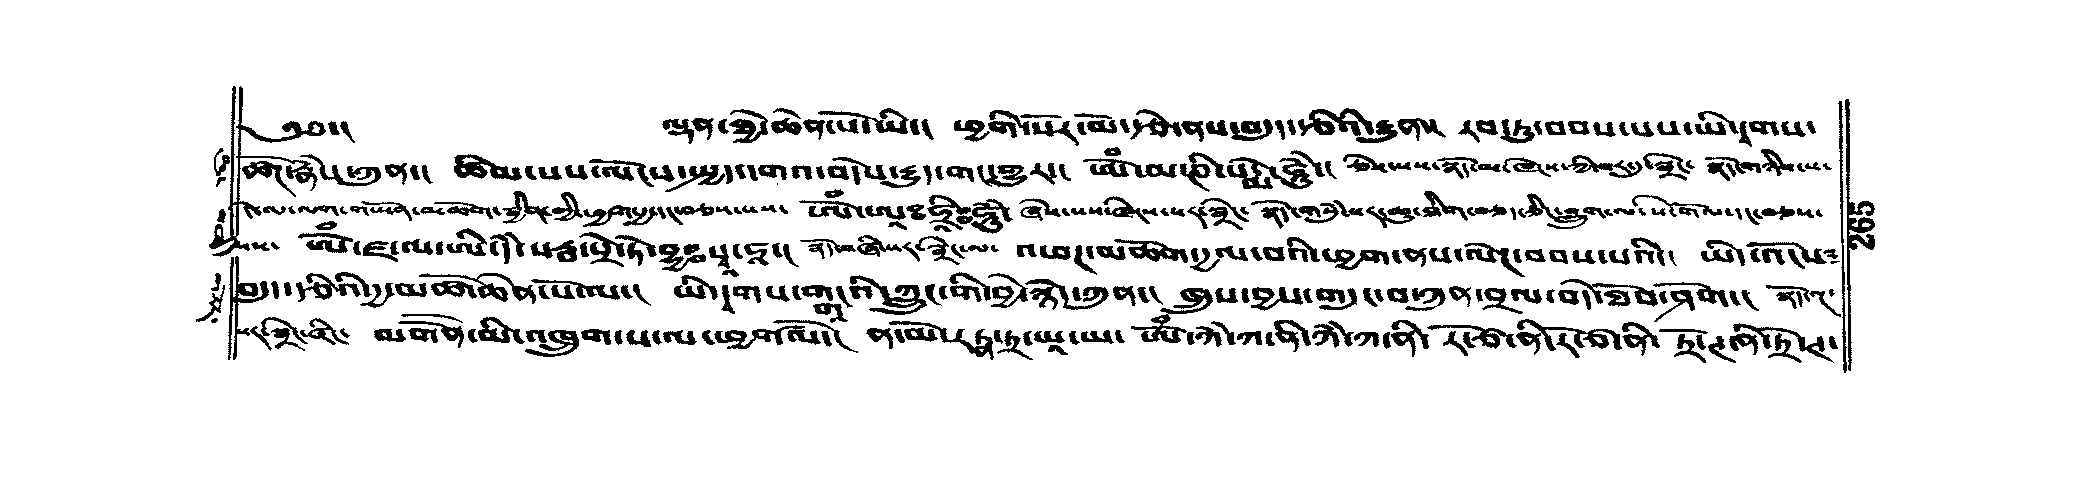བཅོམ་ལྡན་ཐུགས་རྗེ་ཆེན་པོ་ཡི། །ཕྱག་གི་སོར་མོ་རྩེ་ནས་བདུད་རྩི་རྒྱུན། །རབ་ཏུ་བབས་པས་ཡི་དྭགས་
ཚོགས་རྣམས་ཀུན། །ཚིམ་པས་ལོངས་སྤྱད་དགའ་བདེས་རྒྱུད་གང་གྱུར། །ཨོྃ་མ་ཎི་པདྨེ་ཧཱུྃ། ཅེས་པས་སྣོད་མ་ཁེངས་བར་དུ་སྦྲེང་། སྣོད་གཉིས་པ་
དེ་ལ་ལག་གཡོན་མཆོག་སྦྱིན་གྱི་ཕྱག་རྒྱ་དང་བཅས་པས། ཨོྃ་ཨཱཿཧྲཱི་ཧཱུྃ།ཞེས་པས་ཁེངས་པར་སྦྲེང་། སྣོད་གསུམ་པར་ཆུ་ཐིག་བཅད་ཅིང་བླུག་ལ་སེ་གོལ་དང་བཅས་
པས། ཨོྃ་ཛ་ལ་ཨི་དཾ་སརྦ་པྲེ་ཏེ་བྷྱཿསྭཱ་ཧཱ། སྣོད་བཞི་པར་སྦྲེང་ལ། འཕགས་མཆོག་རྒྱལ་བའི་ཕྱག་ནས་ལེགས་འོངས་པའི། །ཡིད་འོངས་
བདུད་རྩིའི་རྒྱ་མཚོ་ཆེན་པོ་ལ། །ཡི་དྭགས་གངྒའི་ཀླུང་གི་བྱེ་སྙེད་ཀུན། །ཁྲུས་བྱས་གདུང་བ་ཀུན་བྲལ་བདེ་ཐོབ་ཤོག་། སྣོད་ལྔ་
པར་སྦྲེང་ཞིང་། མགོན་པོ་མི་འཁྲུག་པ་ལ་ཕྱག་འཚལ་ལོ། ན་མོ་རཏྣ་ཏྲ་ཡཱ་ཡ། ཨོྃ་ཀཾ་ཀ་ནི་ཀཾ་ཀ་ནི། རོ་ཙ་ནི་རོ་ཙ་ནི་ཏྲོ་ཊ་ནི་ཏྲོ་ཊ་